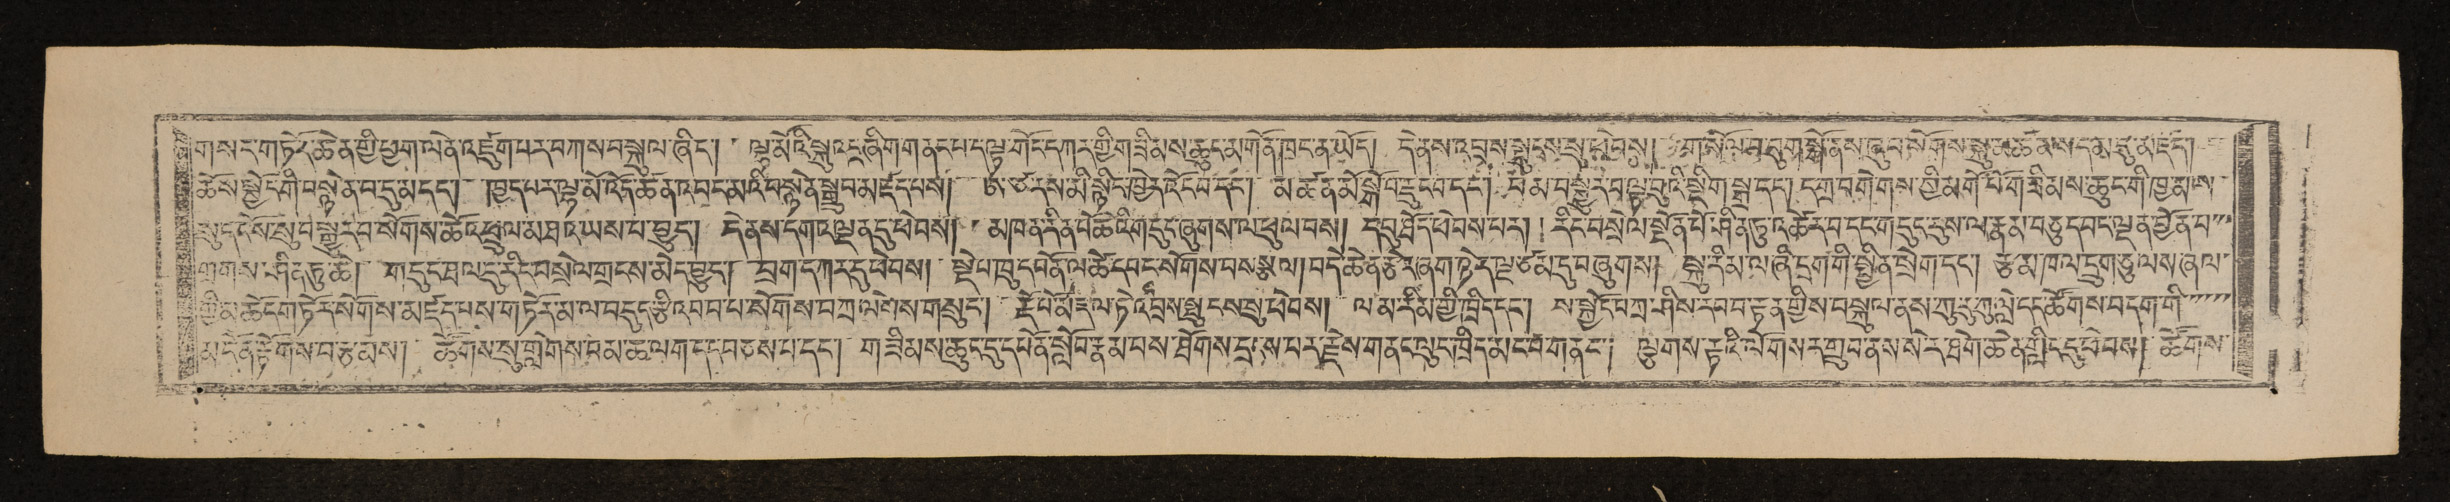གསར་གཏོར་ཆེན་གྱི་ཕྱག་ལེན་འཛུག་པར་བཀས་བསྐུལ་ཞིང་། ལྷ་མོའི་སྐུ་འདྲ་ཞིག་གནང་བ་ད་ལྟ་གོང་དཀར་གྱི་གཟིམས་ཆུང་མགོན་ཁང་ན་ཡོད། དེ་ནས་འབྲས་སྤུངས་སུ་ཕེབས། གསོལ་བ་བུག་སྒོ་ནས་ཞུ་བ་སོགས་སྐུ་མཚམས་དམ་དུ་མཛད།
ཆོས་སྐྱོང་གི་བསྙེན་པ་དུ་མ་དང་། ཁྱད་པར་ལྷ་མོ་འོད་ཆེན་འབར་མའི་བསྙེན་སྒྲུབ་མཛད་པས། ཨ་ཙ་རས་མི་སྙིང་ཁྱེར་འོང་བ་དང་། མཚན་མོ་སྒོ་བརྡུང་བ་དང་། བམ་བསྐྱུར་བ་ལྟ་བུའི་སྡིག་སྒྲ་དང་། དགྲ་བགེགས་ཀྱི་མགོ་བོ་གཟིམས་ཆུང་གི་ཁྱམས་
སུ་དངོས་སུ་བསྒྱུར་བ་སོགས་ཆོ་འཕྲུལ་མཐའ་ཡས་པ་བྱུང་། དེ་ནས་དགའ་ལྡན་དུ་ཕེབས། མཁན་རིན་པོ་ཆེའི་གདུང་ཞུགས་ལ་ཕུལ་བས། དབུ་ཐོད་ཕེབས་པར། རིང་བསྲེལ་སྔོན་པོ་ཤིན་ཏུ་འཚེར་བ་དང་གདུང་རུས་ལ་རྣམ་བཅུ་དབང་ལྡན་བྱོན་པ་
གྲགས་ཤིན་ཏུ་ཆེ། གདུང་ཐལ་དུ་རིང་བསྲེལ་གྲངས་མེད་བྱུང་། བྲག་དཀར་དུ་ཕེབས། སྡེ་བ་ཁུ་དཔོན་ལ་ཚེ་དབང་སོགས་བསྩལ། བདེ་ཆེན་རྩེར་ཞག་ཉེར་ལྔ་ཙམ་དུ་བཞུགས། སྐུ་རིམ་ལ་ཞི་དྲག་གི་སྦྱིན་སྲེག་དང་། རྩམ་ཁལ་དྲུག་ཅུ་ལས་ཞལ་
གྱི་མཆོད་གཏོར་སོགས་མཛད་པས་གཏོར་མ་ལ་བདུད་རྩི་འབབ་པ་སོགས་བཀྲ་ལེགས་གསུང་། ཇོ་བོ་མངལ་ཏེ་འབྲས་སྤུངས་སུ་ཕེབས། ལམ་རིམ་གྱི་ཁྲིད་དང་། ས་སྐྱོང་བཀྲ་ཤིས་རབ་བརྟན་གྱིས་བསྐུལ་ནས་ཀུ་རུ་ཀུལླེ་དང་ཚོགས་བདག་གི་
མངོན་རྟོགས་བརྩམས། ཚོགས་སུ་གླེགས་བམ་ཆ་ལག་དང་བཅས་པ་དང་། གཟིམས་ཆུང་དུ་དཔོན་སློབ་རྣམ་པས་ཐོགས་དྲངས་པར་རྗེས་གནང་ལུང་ཁྲིད་མང་བ་གནང་། ལྕགས་རྟའི་ལོ་གསར་གྲུབ་ནས་སེར་ཐེག་ཆེན་གླིང་དུ་ཕེབས། ཚོགས་